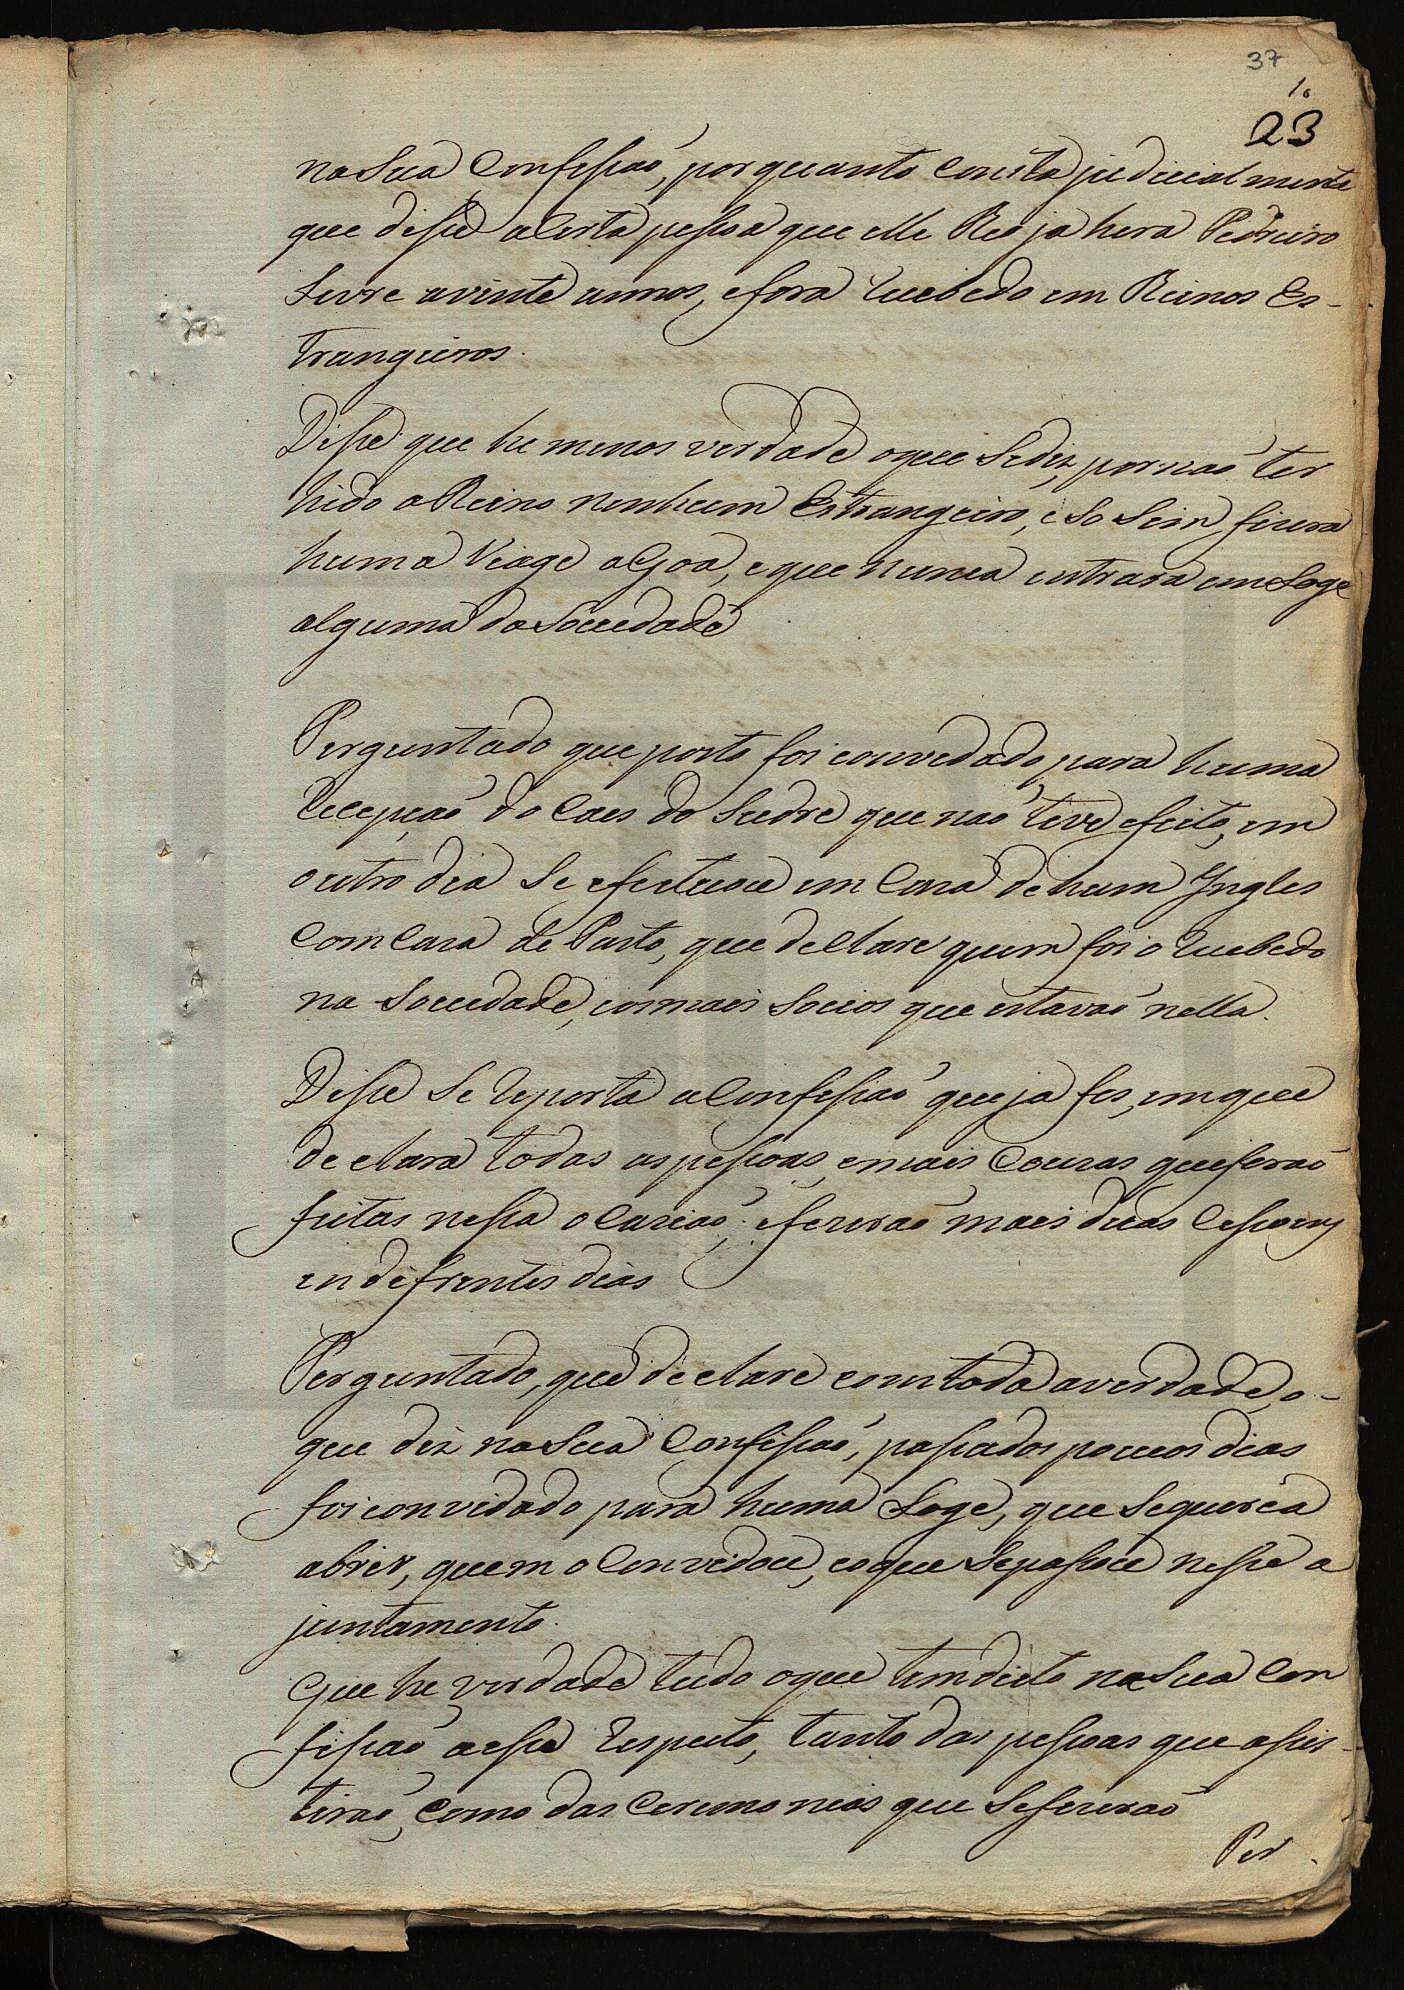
na sua confessaõ, porquanto consta judicialmente
que disse a certa pessoa que elle Reo ja hera Pedreiro
levre a vinte annos, e fora recebedo em Reinos Es
trangeiros.
Disse que he menos verdade o que se diz, por naõ ter
hido a Reino nenhum Estrangeiro, e so sim fizera
uma Viage a Goa, e que nunca entrara em Loge
alguma da Sociedade.
Perguntado que pozto foi convedado para huma
recepçaõ do Caes do Sudre que naõ teve efeito, em
outro dia se efectuou em Caza de hum Ingles
com caza de Pasto, que declare quem foi o recebedo
na Soceedade, e os mais socios que estavaõ nella.
Disse se reporta a confessaõ que ja fes, em que
declara todas as pessoas, e mais couzas que foraõ
feitas nessa ocaziaõ; e fezeraõ mais duas cessoens
en difrentes dias.
Perguntado, que declare com toda a verdade, o
que diz na sua confissaõ, passados poucos dias
foi convidado para huma Loge, que se querea
abrir, quem o convidou, e o que se passou nesse a
juntamento.
Que he verdade tudo o que tem dicto na sua con
fissaõ a esse respecto, tanto das pessoas que assis
tiraõ, como das cerimónias que se fezeraõ
